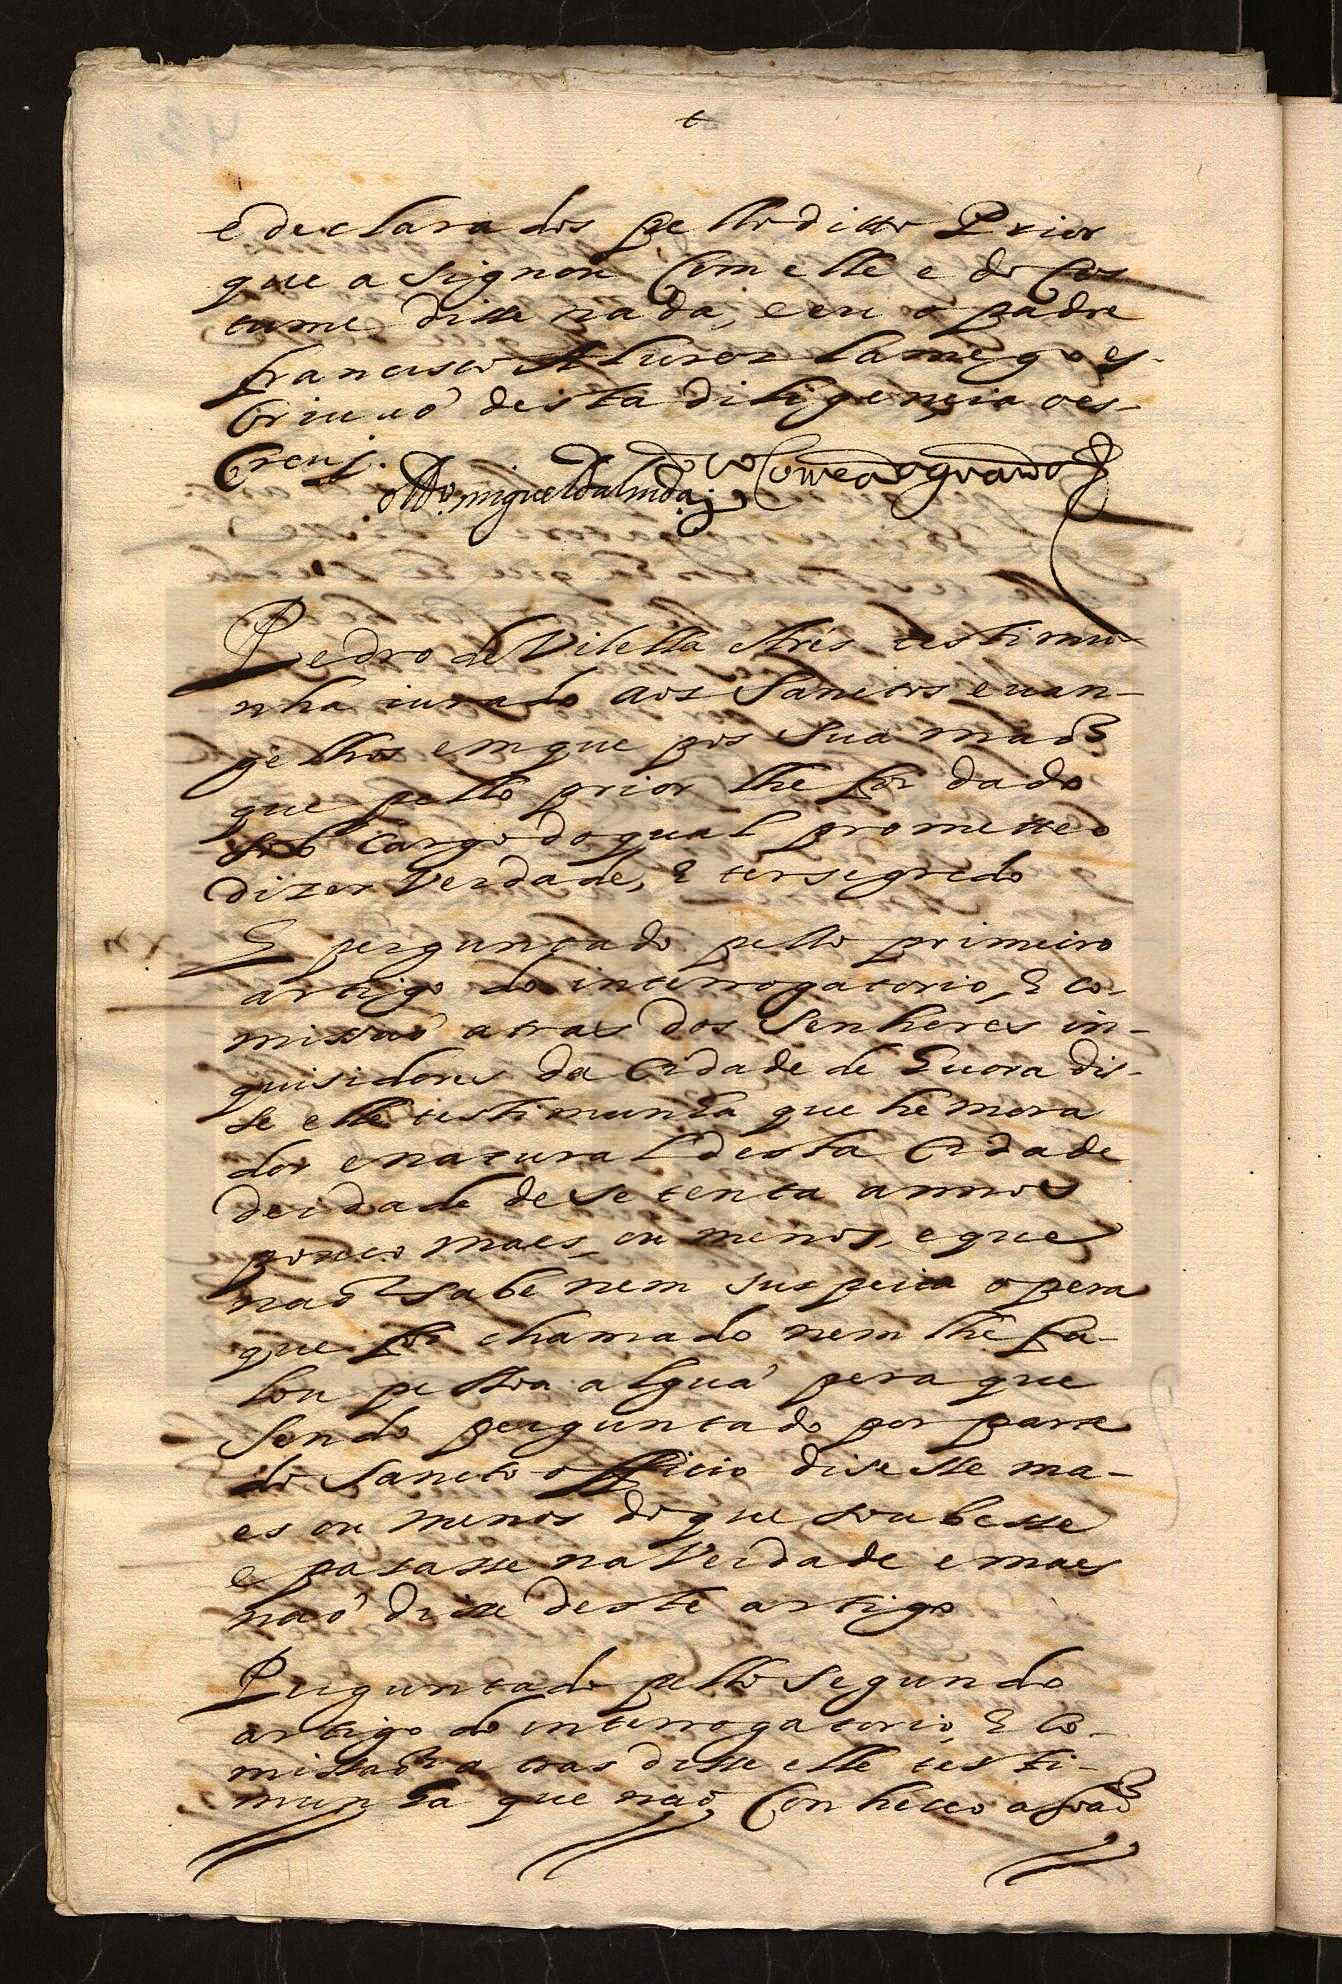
e declarados pello ditto Prior
que asignou Com elle e do Cos
tume disse nada, e eu o padre
francisco Alurez Lamego es
Criuaõ desta diligencia o es
Creuj.
o ld.o miguel dalmda
Pedro de Vilella Ares testimu
nha iurado aos Sanctos euan
gelhos em que pos Sua maõ
que pello prior lhe foi dado
sob cargo do qual prometteo
dizer verdade, e ter segredo
E perguntado pello primeiro
artigo do interrogatorio, E co
missaõ atras dos Senhores in
quisidores da Cidade de Euora dis
se elle testimunha que he mora
dor e naturaL desta Cidade
de idade de setenta annos
pouco maes, ou menos, e que
naõ sabe nem suspeita o pera
que foi chamado nem lhe fa
lou pessoa alguā pera que
Sendo perguntado por parte
do Sancto officio disesse ma
es ou menos do que soubesse
e pasasse na Verdade e maes
naõ disse deste artigo
Perguntado pello segundo
artigo do interrogatorio, E co
missaõ atras disse elle testi
munha que naõ Conheceo a João
